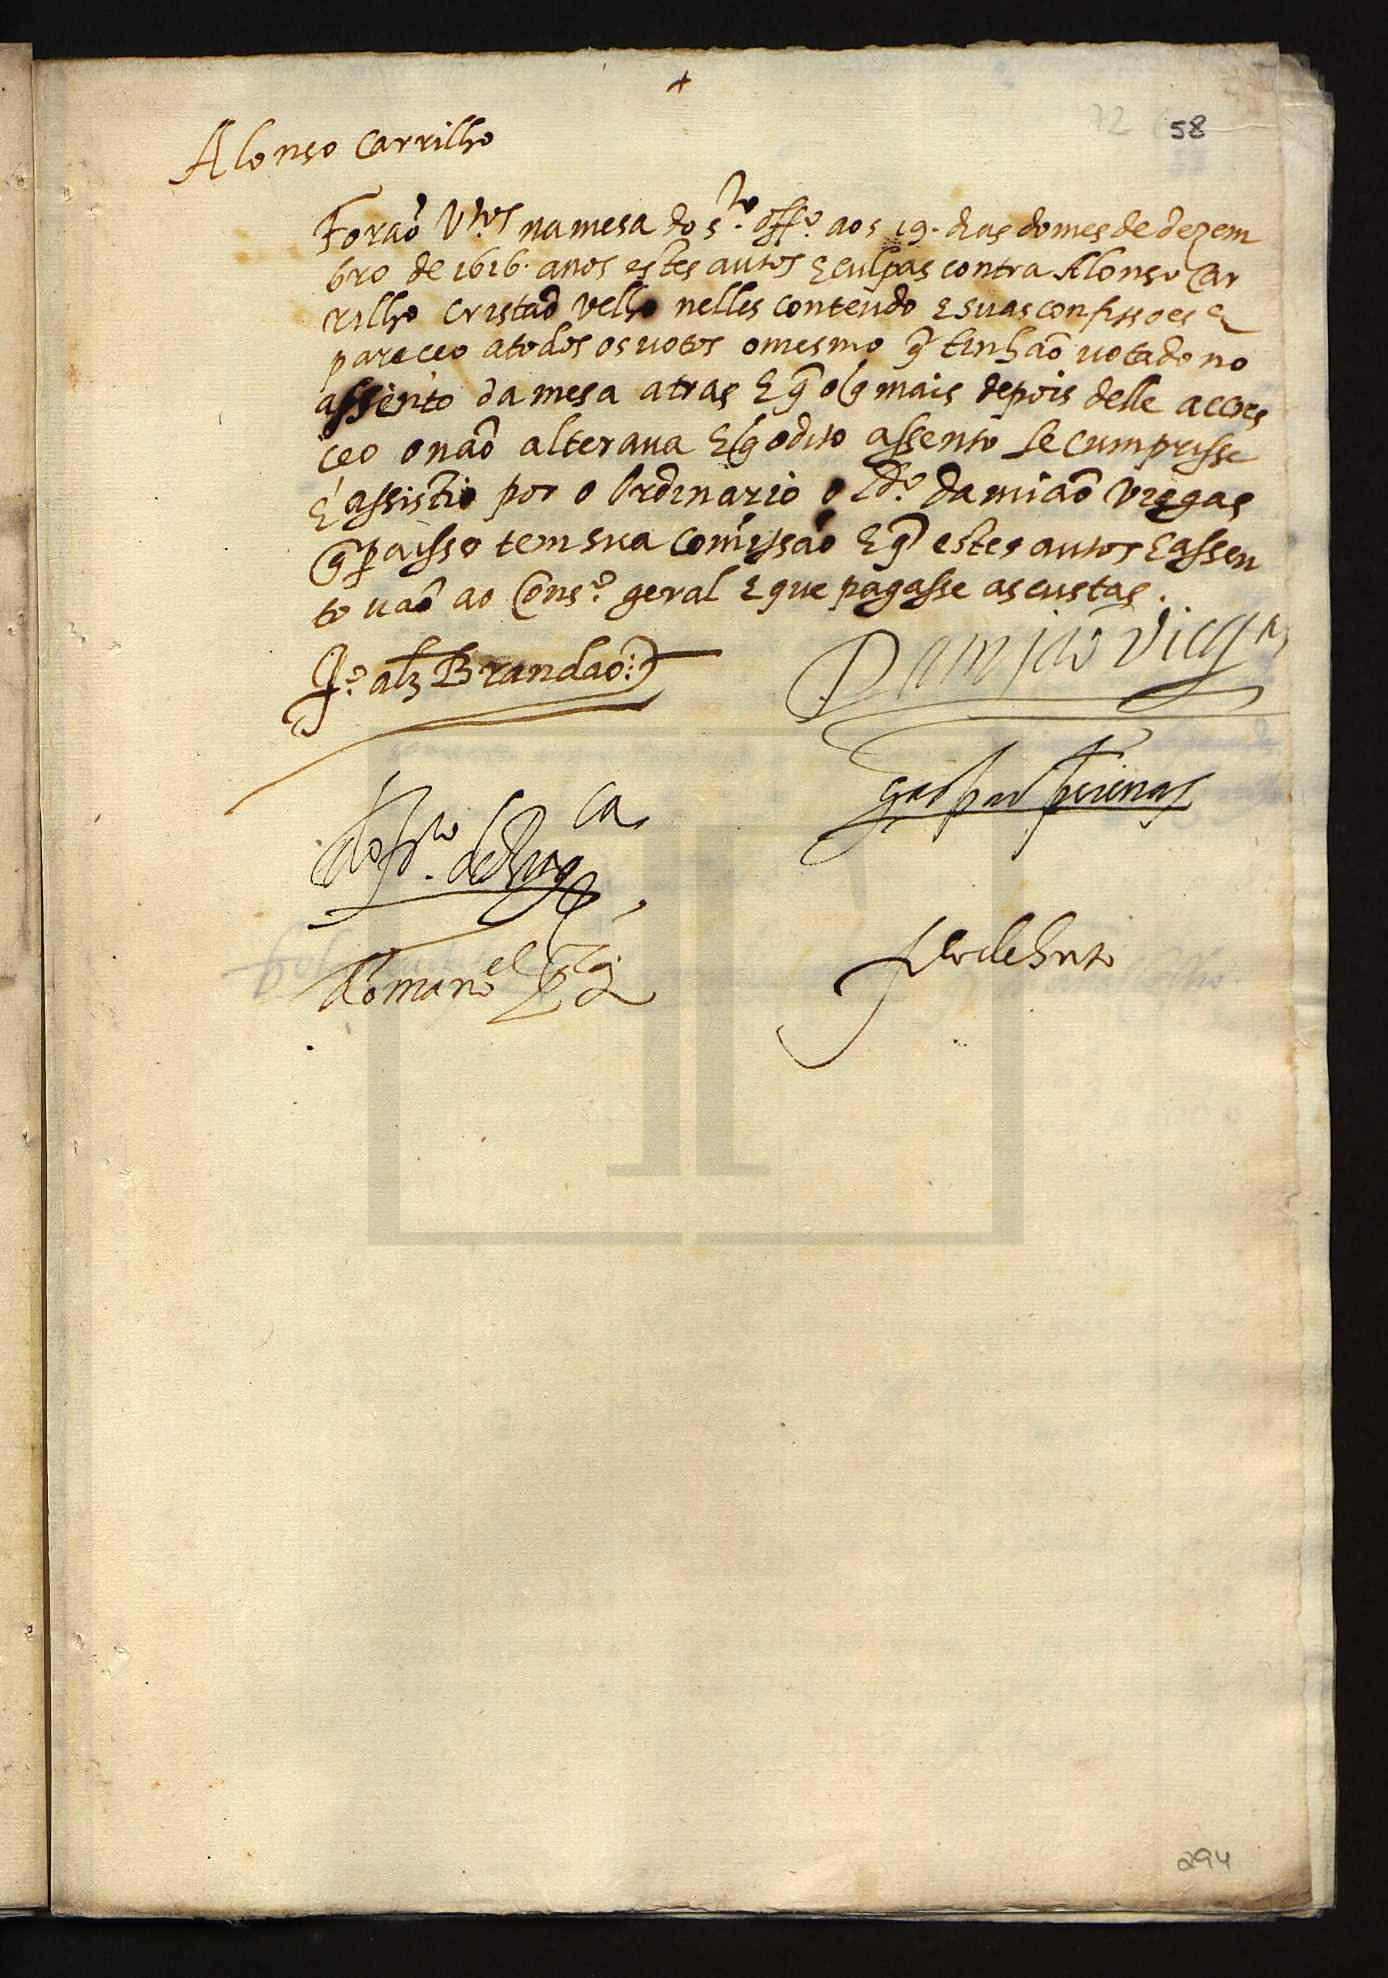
Alonço Carrilho
Foraõ V.tos na mesa do sto. off.o aos 19. dias do mes de dezem
bro de 1616. anos estes autos E culpas contra Alonso Car
rilho cristão velho nelles conteudo E suas confissoes E
pareceo a todos os uotos o mesmo q̄ tinhaõ uotado no
assento da mesa atras E q̄ o q̄ mais depois delle acres
ceo o naõ alteraua E q̄ o dito assento se cumprisse
E assistio por o Ordinario o L.do damião viegas
q̄ ꝑa isso tem sua com̄issão E q̄ estes autos E assen
to uão ao Cons.o geral E que pagasse as custas
Damjaõ Viegas
J.o al̄z Brandaõ:
Gaspar pereira
dō fr.co de Bragça
frco de brito
dō manoel pra
